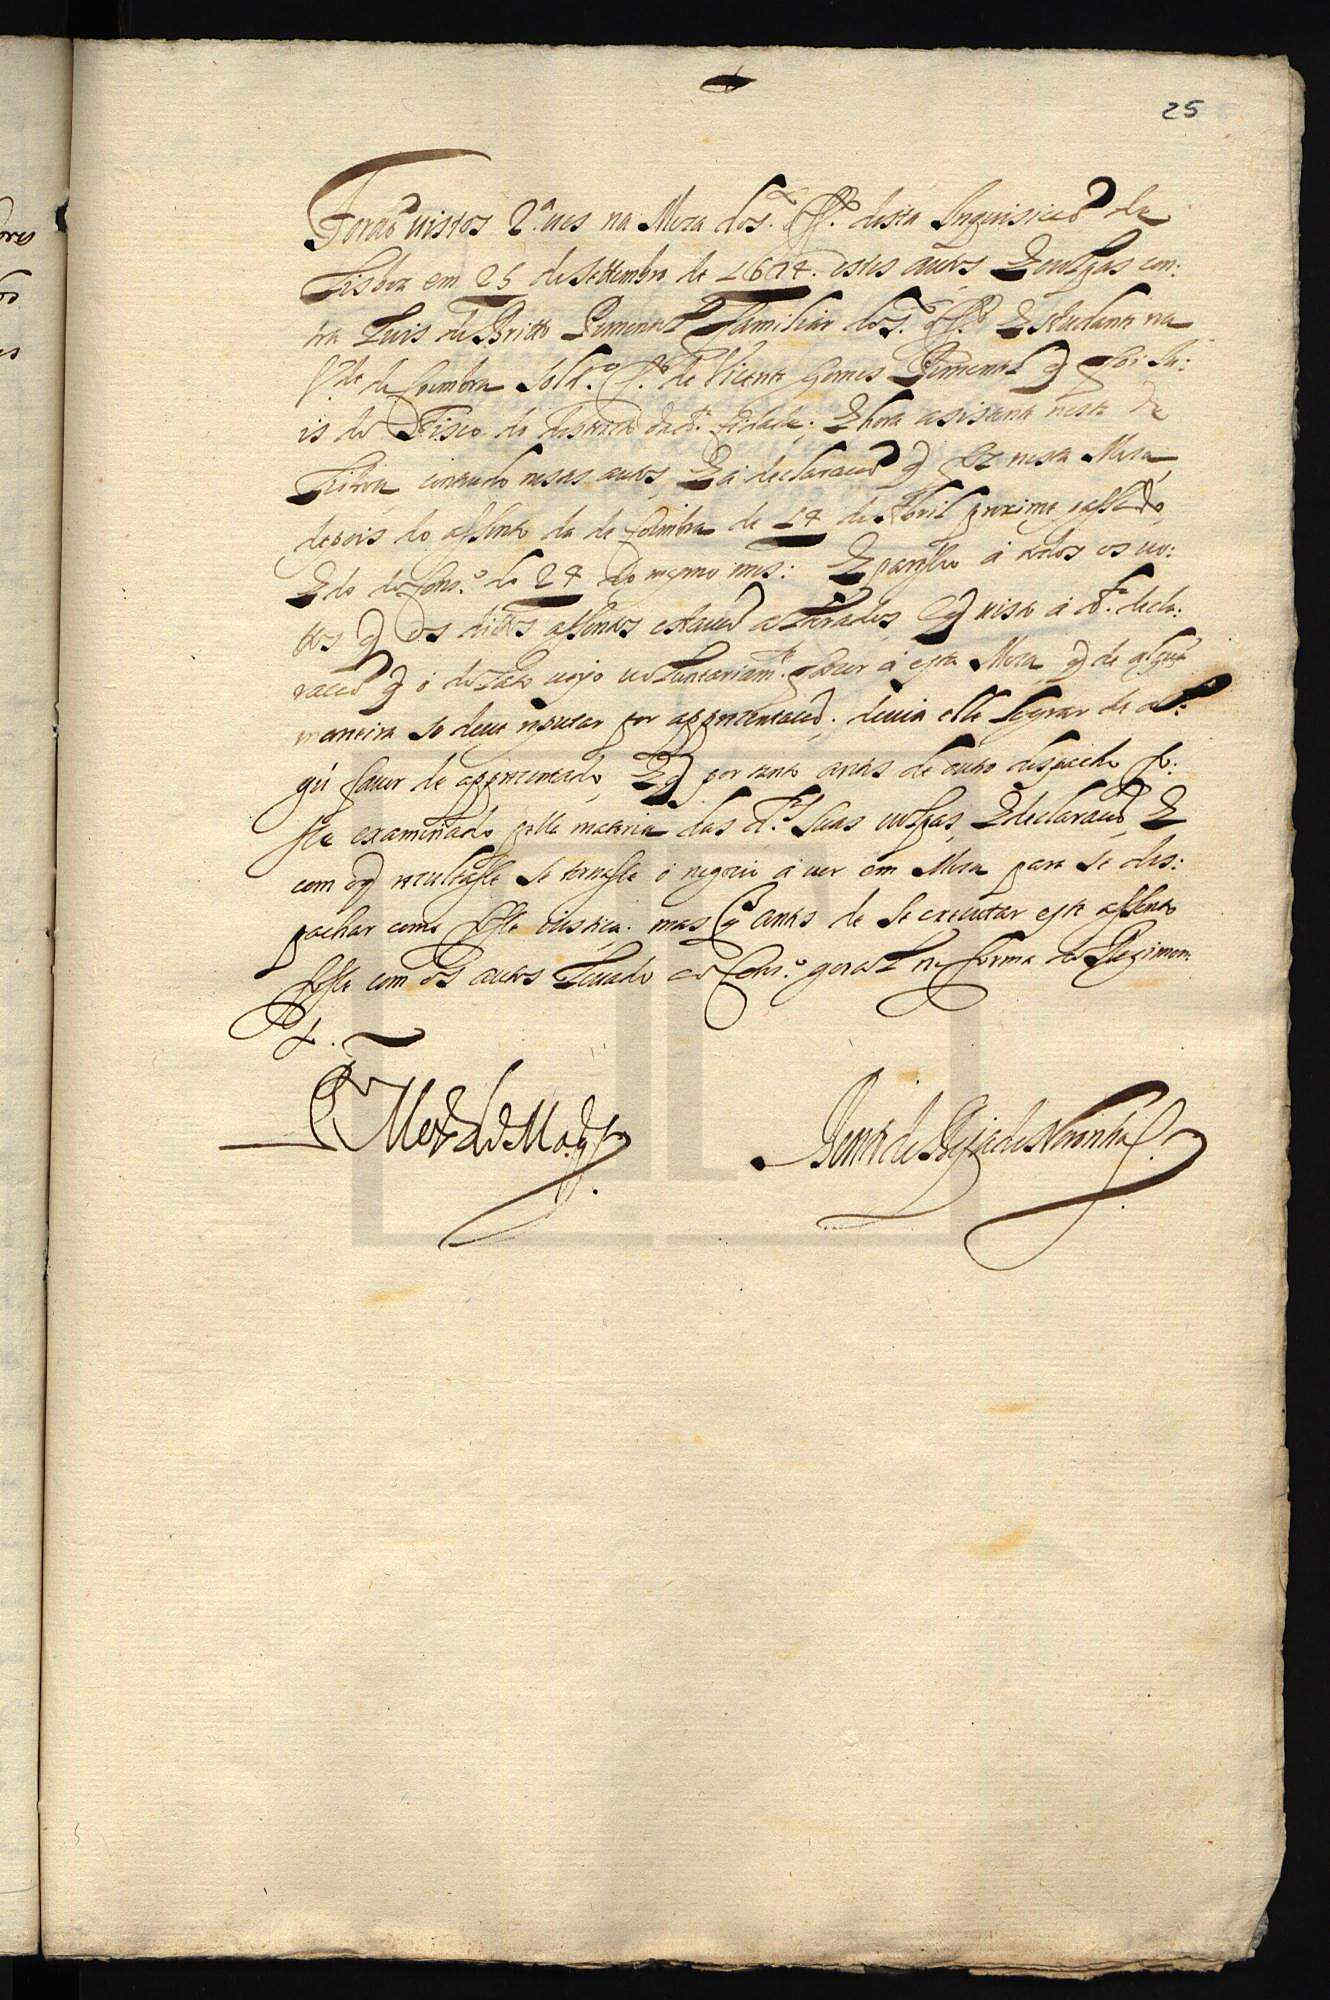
Foraõ uistos 2a ues na Meza do sto off.o desta Inquisiçaõ de
Lisboa em 25 de Settembro de 1674. estes autos E culpas con
tra Luis de Britto Pimentel familiar do s.to off.o Estudante na
V.de de Coimbra Soltr.o f.o de Vicente Gomes Pimentel q̄ foi Iu
is do Fisco do districto da d̄.a Cidade; E hora asistente nesta de
Lisboa, conteudo nestes autos, E a declaraçaõ q̄ fez nesta Meza
depois do assento da de Coimbra de 14 de Abril proxime passado
E do do Cons.o de 24 do mesmo mes: E paresseo a todos os uo
ttos q̄ os dittos assentos estauaõ alterados e q̄ uisto a d̄.a decla
raçaõ q̄ o deLato ueyo uoluntariam.te fazer a esta Meza, q̄ de alguā
maneira se deue reputar por apprezentaçaõ, deuia elle lograr de al
gū fauor de appezentado, E q̄ por tanto antes de outro despacho fo
sse examinado pella materia das d̄.as suas culpas, E declaração, E
com o q̄ rezultasse se tornasse o negocio a uer em Meza para se des
pachar como fosse iustiça; mas q̄ antes de se executar este assento
fosse com os autos leuado ao Cons.o geral na forma do Regimen
to
Po Mexa de Mag.es
Bento de Beja de Noronha
